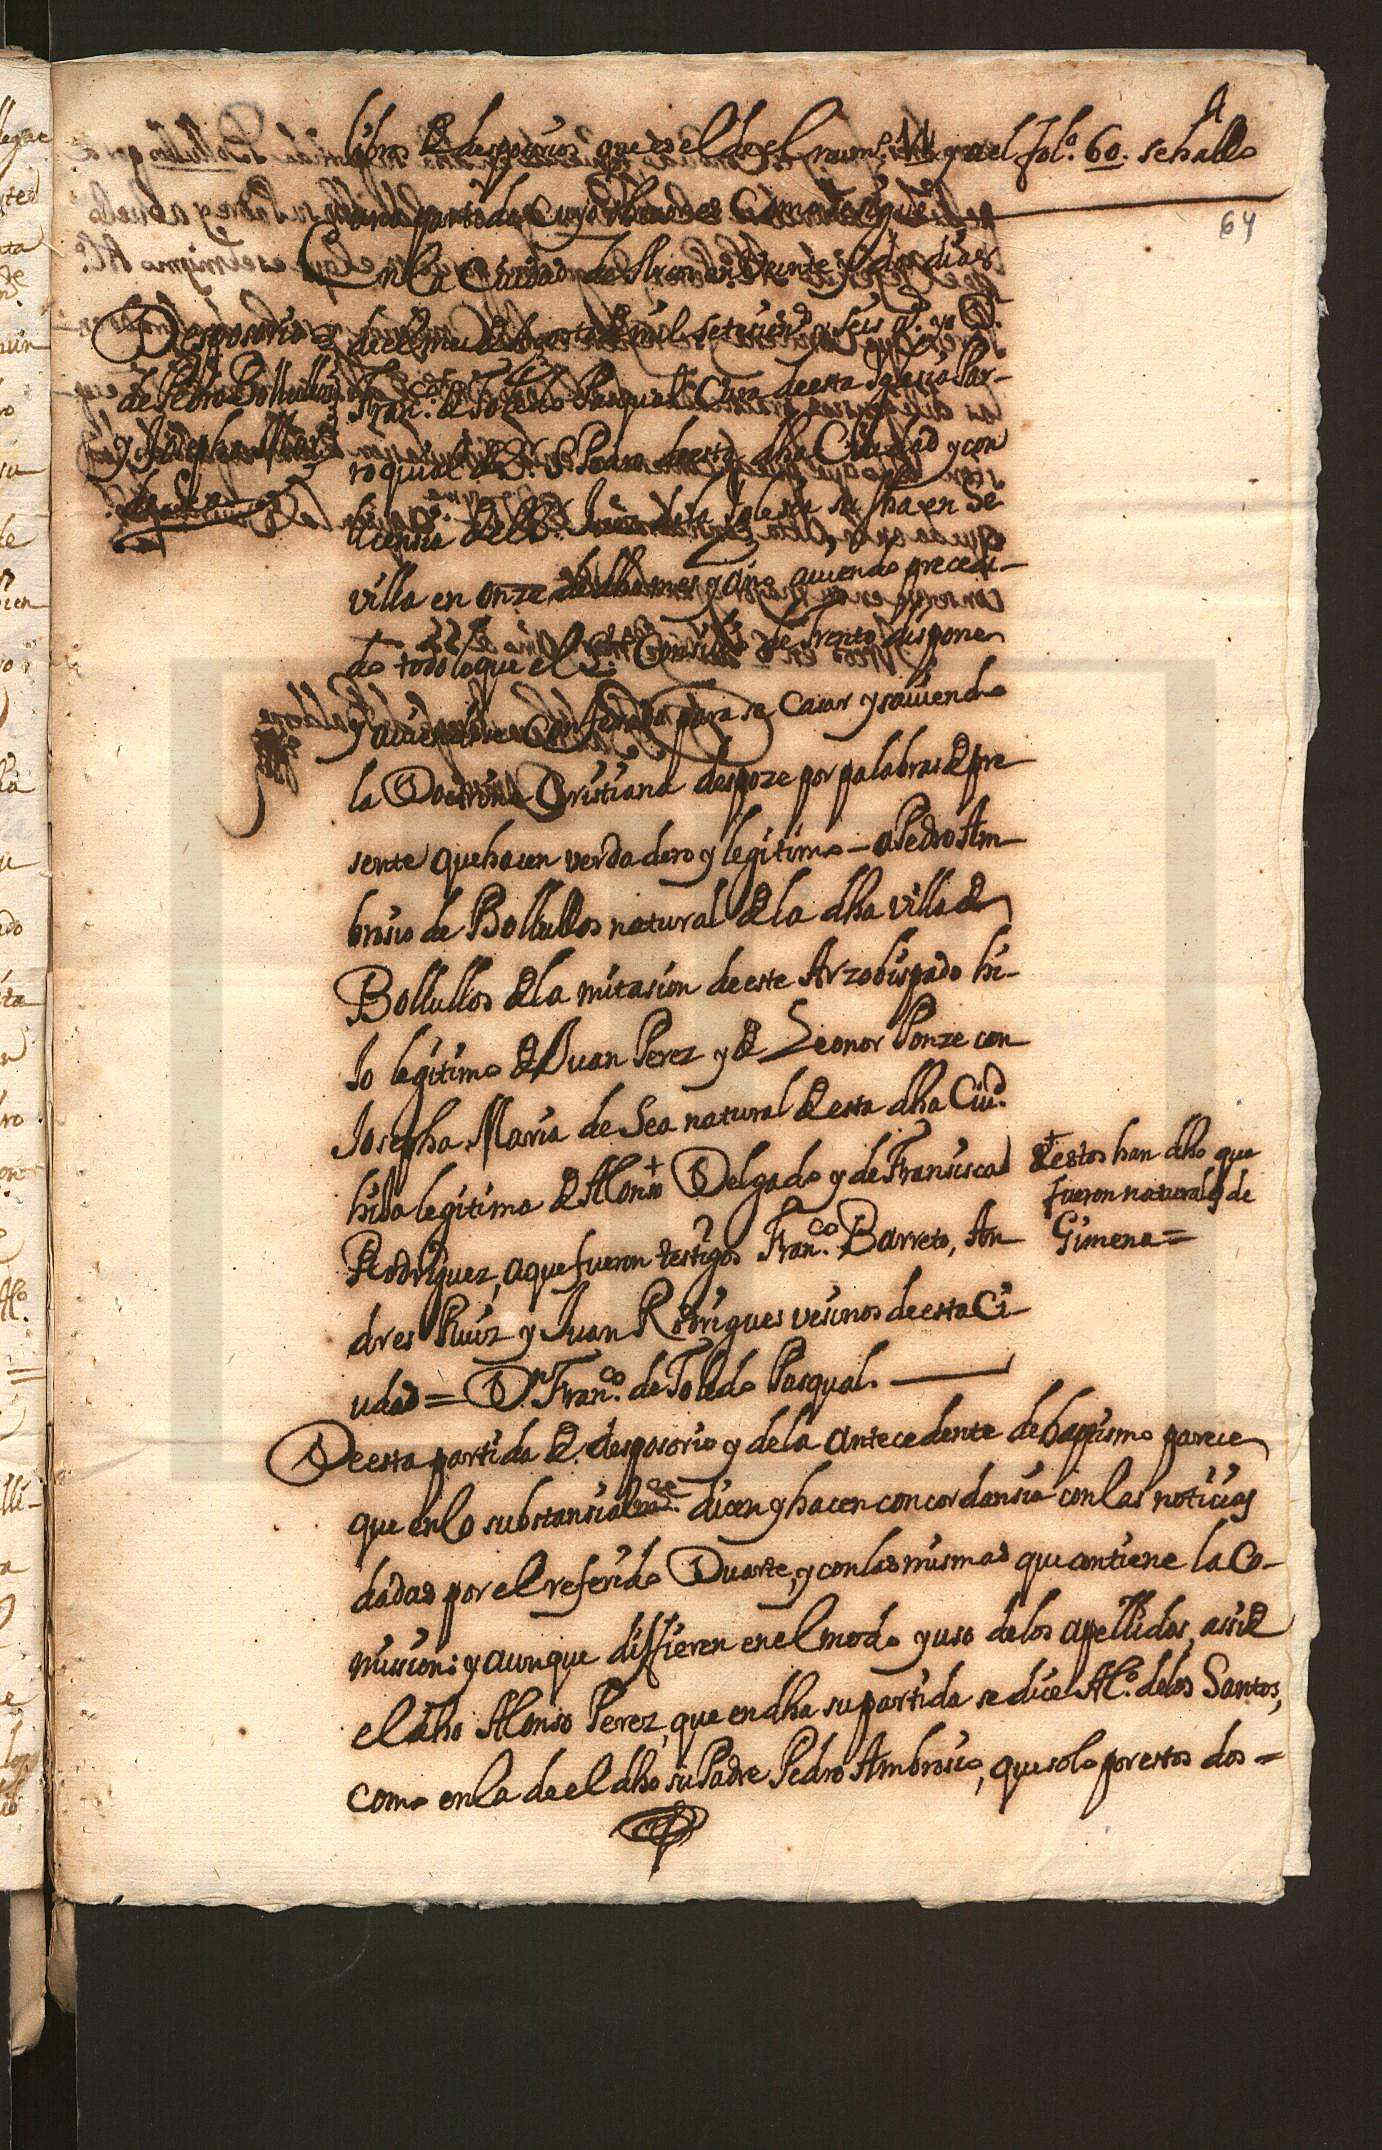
fol.o 60. se hallo
libros de desposorios que es el de el novm.o 11 y a el
una partida Cuyo theor es Como se sigue
En la ciudad de Arcos en Veinte y dos dias
de el mes de Agosto de mil setecien.s y seis a.s yo D.n
Fran.co de Toledo Pasqual Cura de esta Yglesia Par
roquial de S.r S. Pedro de esta dha Ciudad y con
licensia del S.r Iuiz dela Yglesia su fha en Se
villa en onze de dho mes y año auiendo precedi
do todo lo que el S.to Consilio de Trento dispone
y auiendo de se confessar para se Casar y sauiendo
la Doctrina Cristana despoze por palabras de pre
sente que hasen verdadero y legitimo – a Pedro Am
brosio de Bollullos natural de la dha villa de
Bollullos de la mitasion de este Arzobispado hi
jo legitimo de Iuan Perez y de Leonor Ponze con
Iosepha Maria de Sea natural de esta dha Ciu.d
hija legitima de Alonso Delgado y de Francisca
Rodriguez, a que fueran testigos Fran.co Barreto, An
dre Ruiz y Iuan Rodrigues vesinos de esta Ci
udad = Dn Fran.co de Toledo Pasqual.
De esta partida de desposorio y de la antecedente de baptismo parece
que en lo substansialmte dicen y hacen concordansia con las noticias
dadas por el referido Duarte, y con las mismas que contiene la Co
mission: y aunque diffieren en el modo y uso de los apellidos, assi de
el dho Alonso Perez, que en dha su partida se dice Al.o de los Santos,
como en la de el dho su Padre Pedro Ambrosio, que solo por estos dos
Desposorio
de Pedro Bollullos
y Jozepha Ma
fueron naturales de
& estos ham dho que
Gimena =
